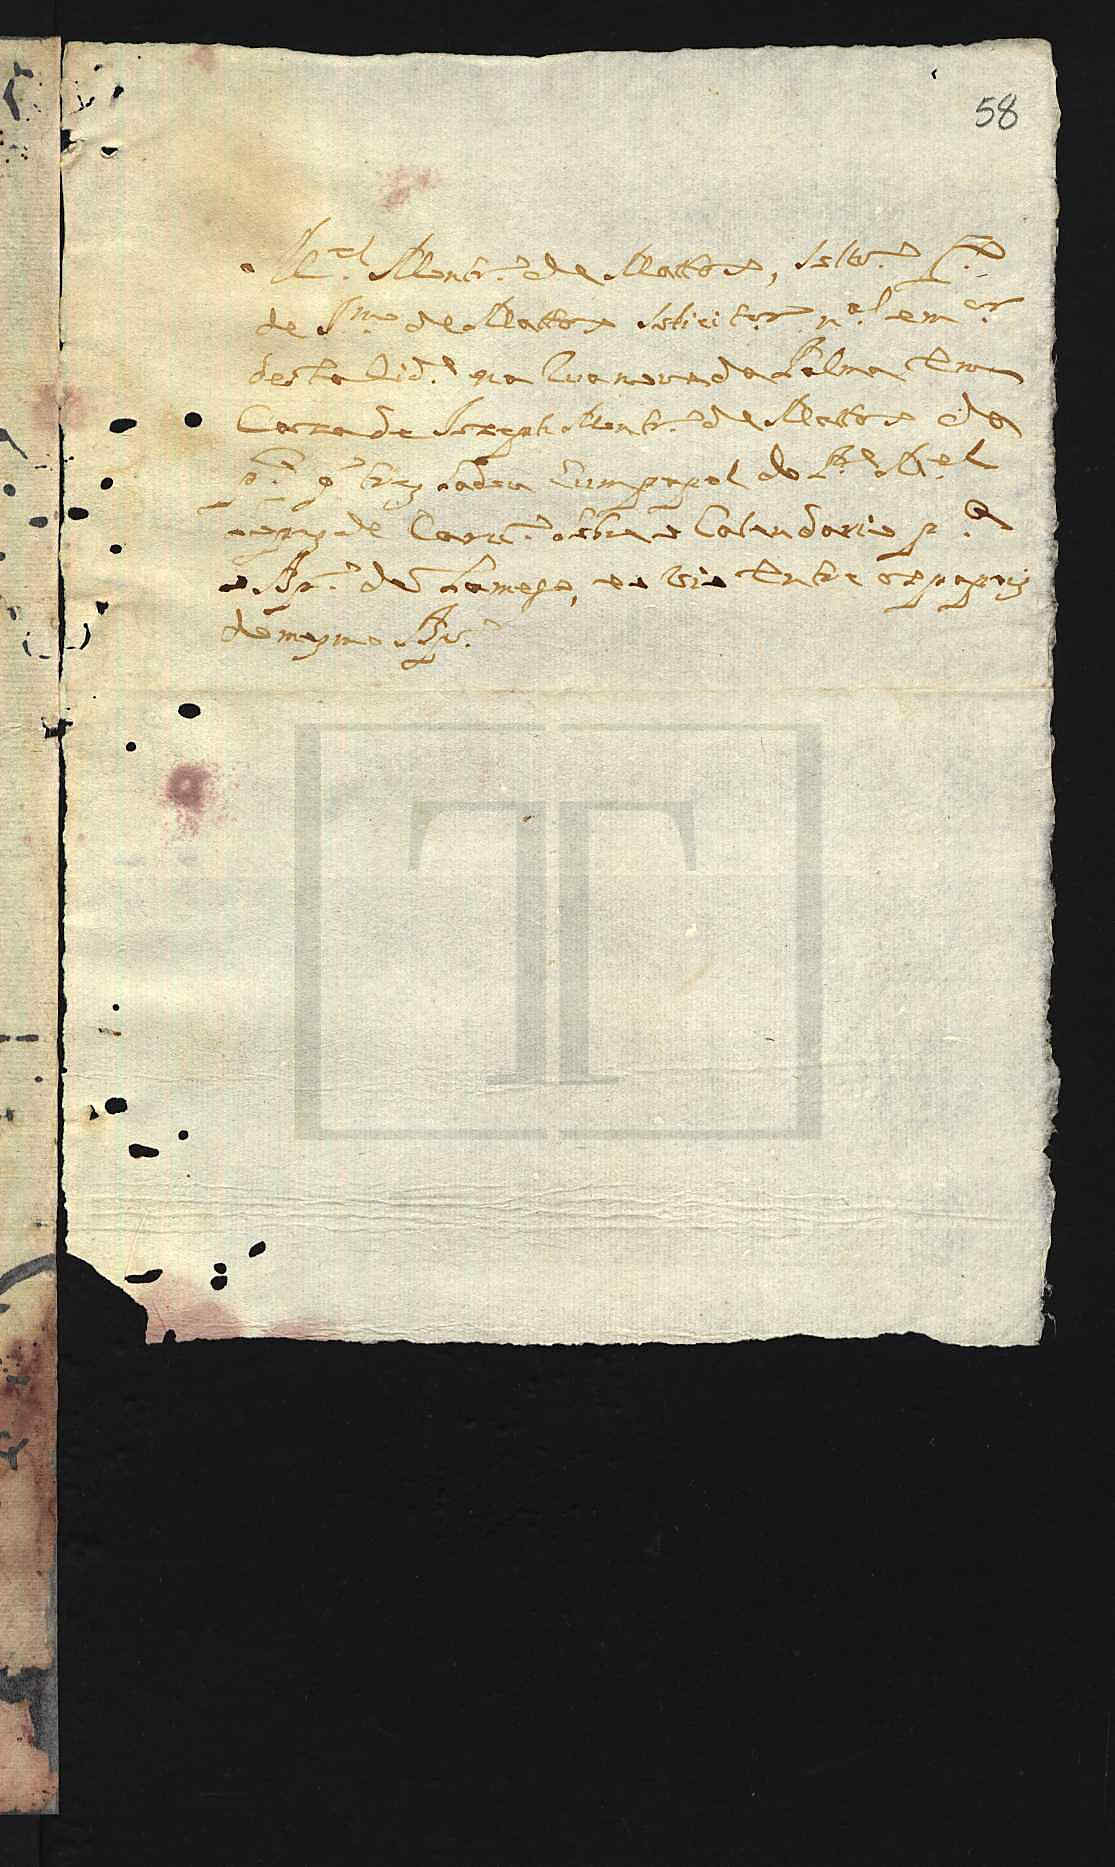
M.el Montr.o de Mattos, soltr.o f.o
de I.mo de Mattos solicit.or n.al e m.or
desta Cid.e na Rua nova da Palma Em
Caza de Iozeph Montr.o de Mattos da
p.te q̄ trazladou hum papel do P.e M.el
Lopez de Caru.o e abra o Calendario p.a
Ap.o de Lamego, e o vio entre os papeis
do mesmo Ap.o
